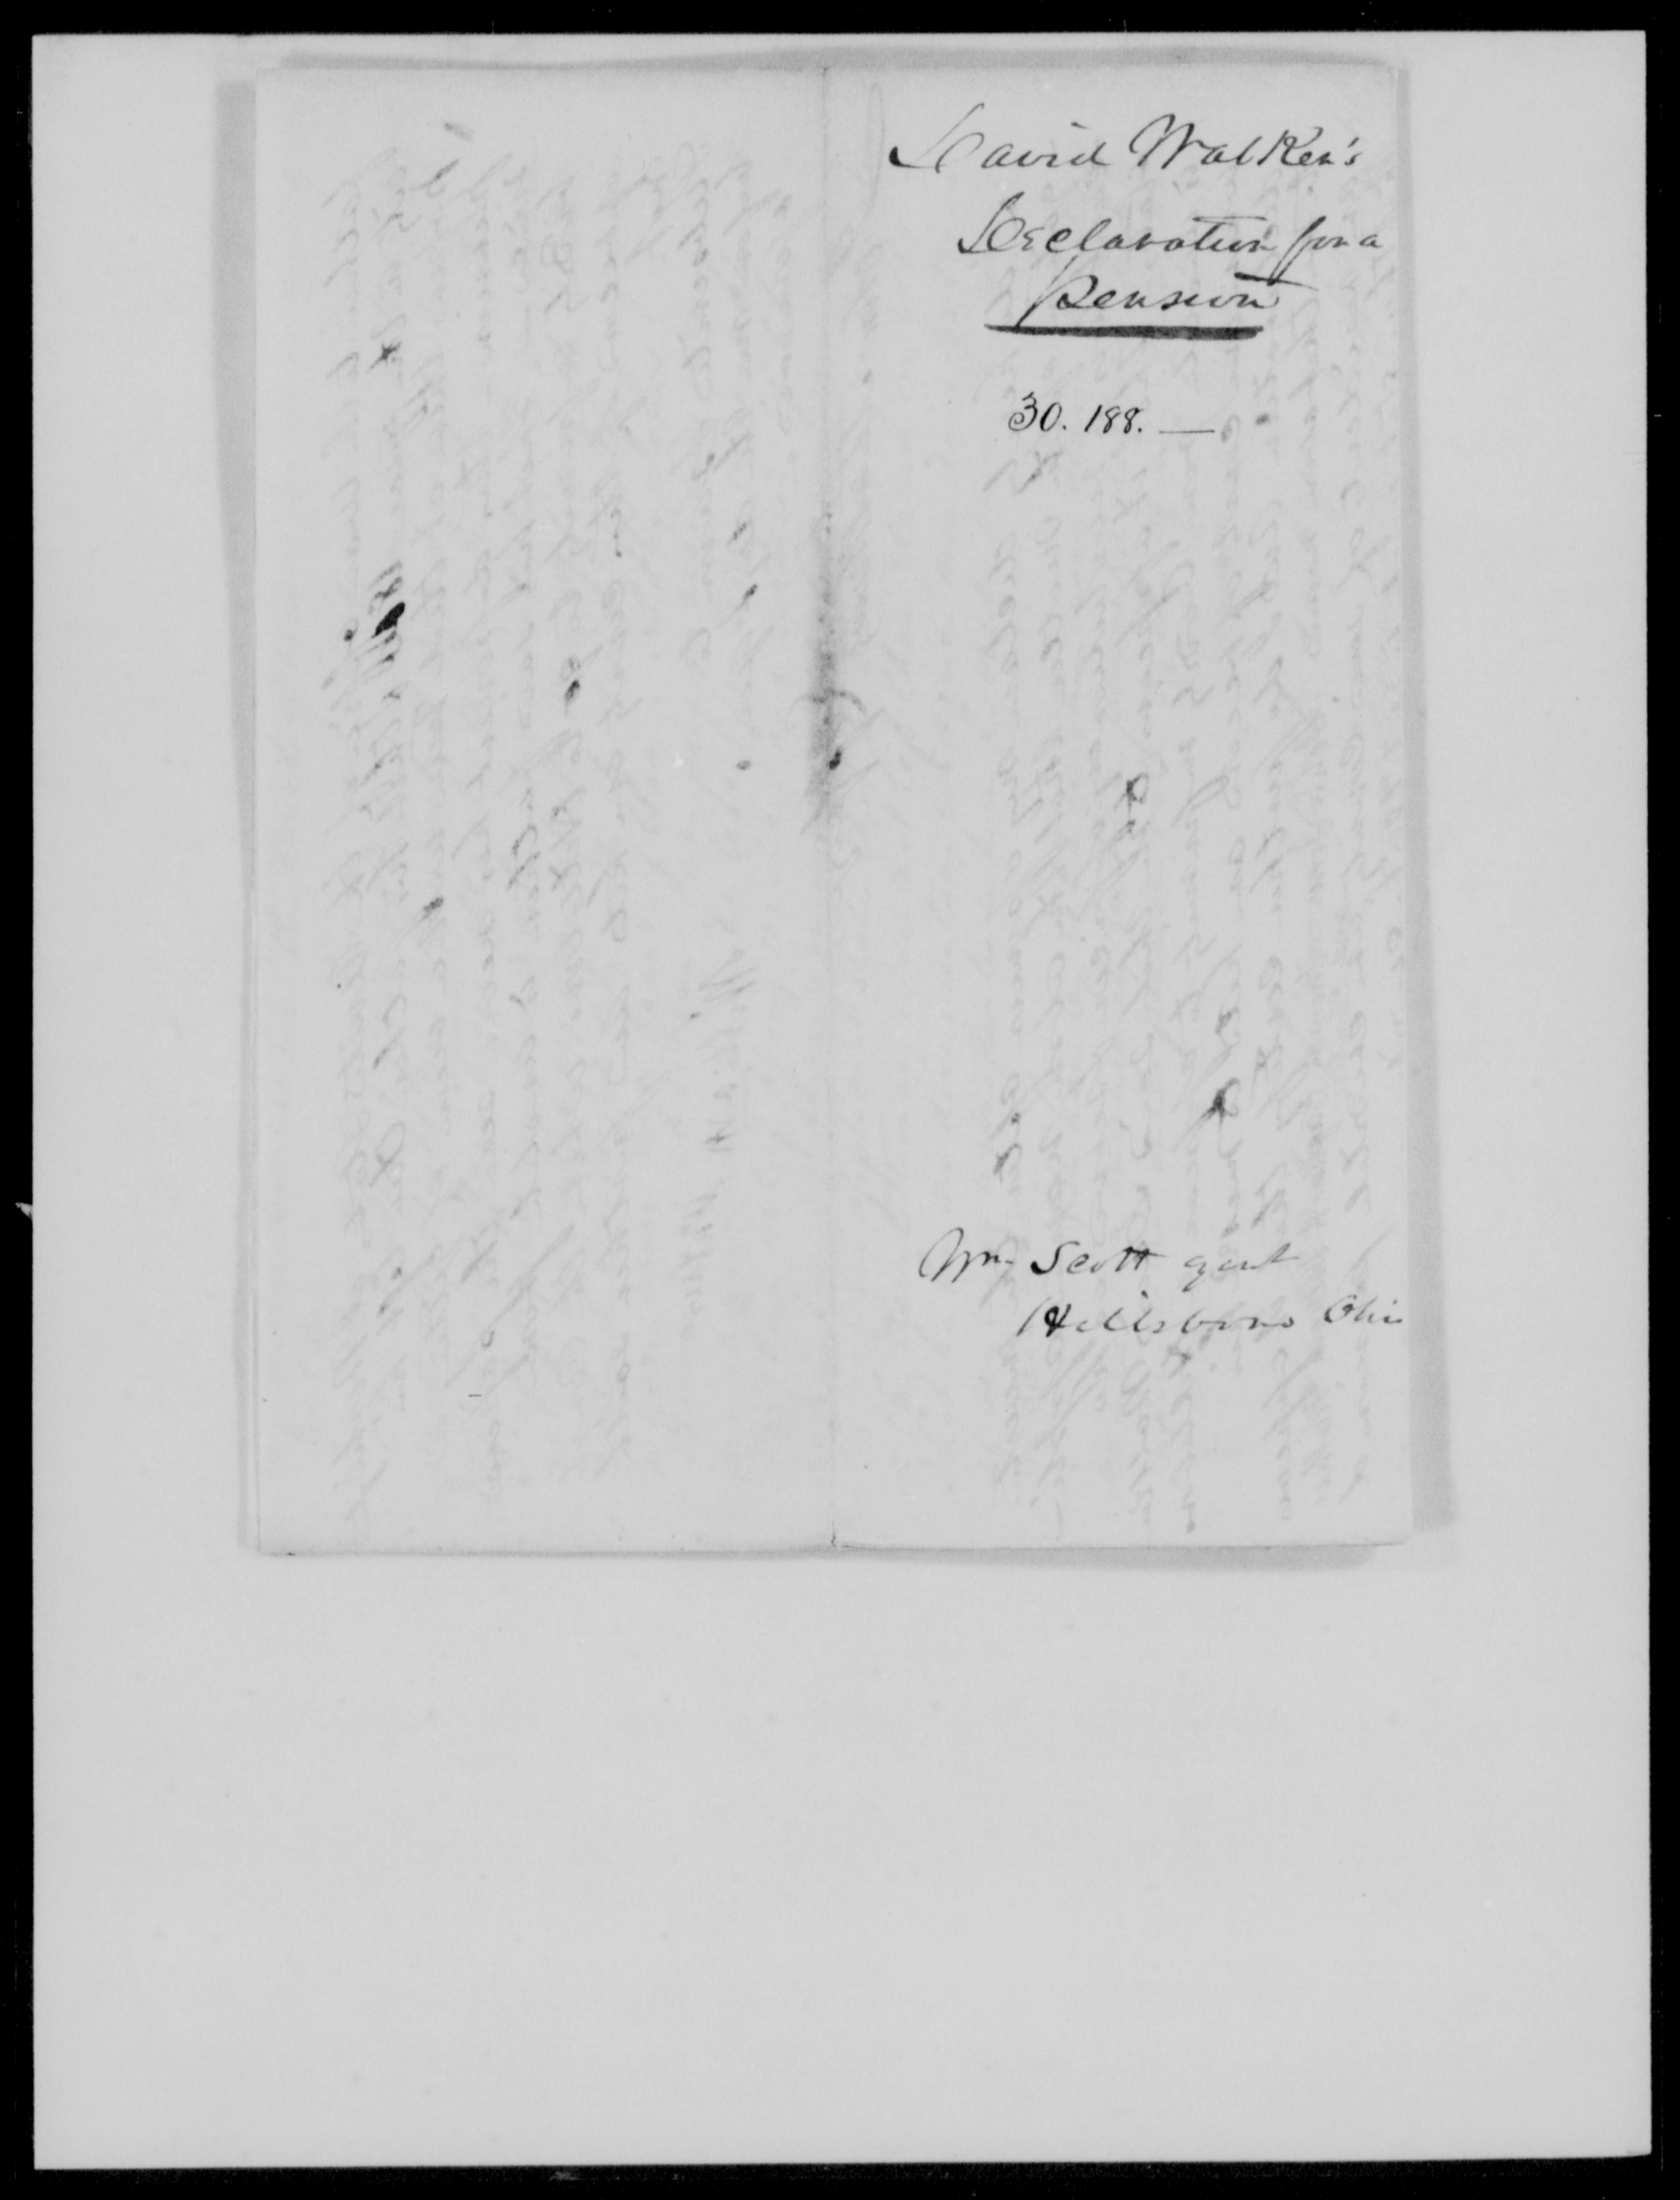David Walker
Declaration Present
30.188

William Scott, Agent
Hillsborough, Ohio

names: Wm Scott, David Walker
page: 8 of 37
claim: rejected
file: R. 11047, David Walker, N.C.